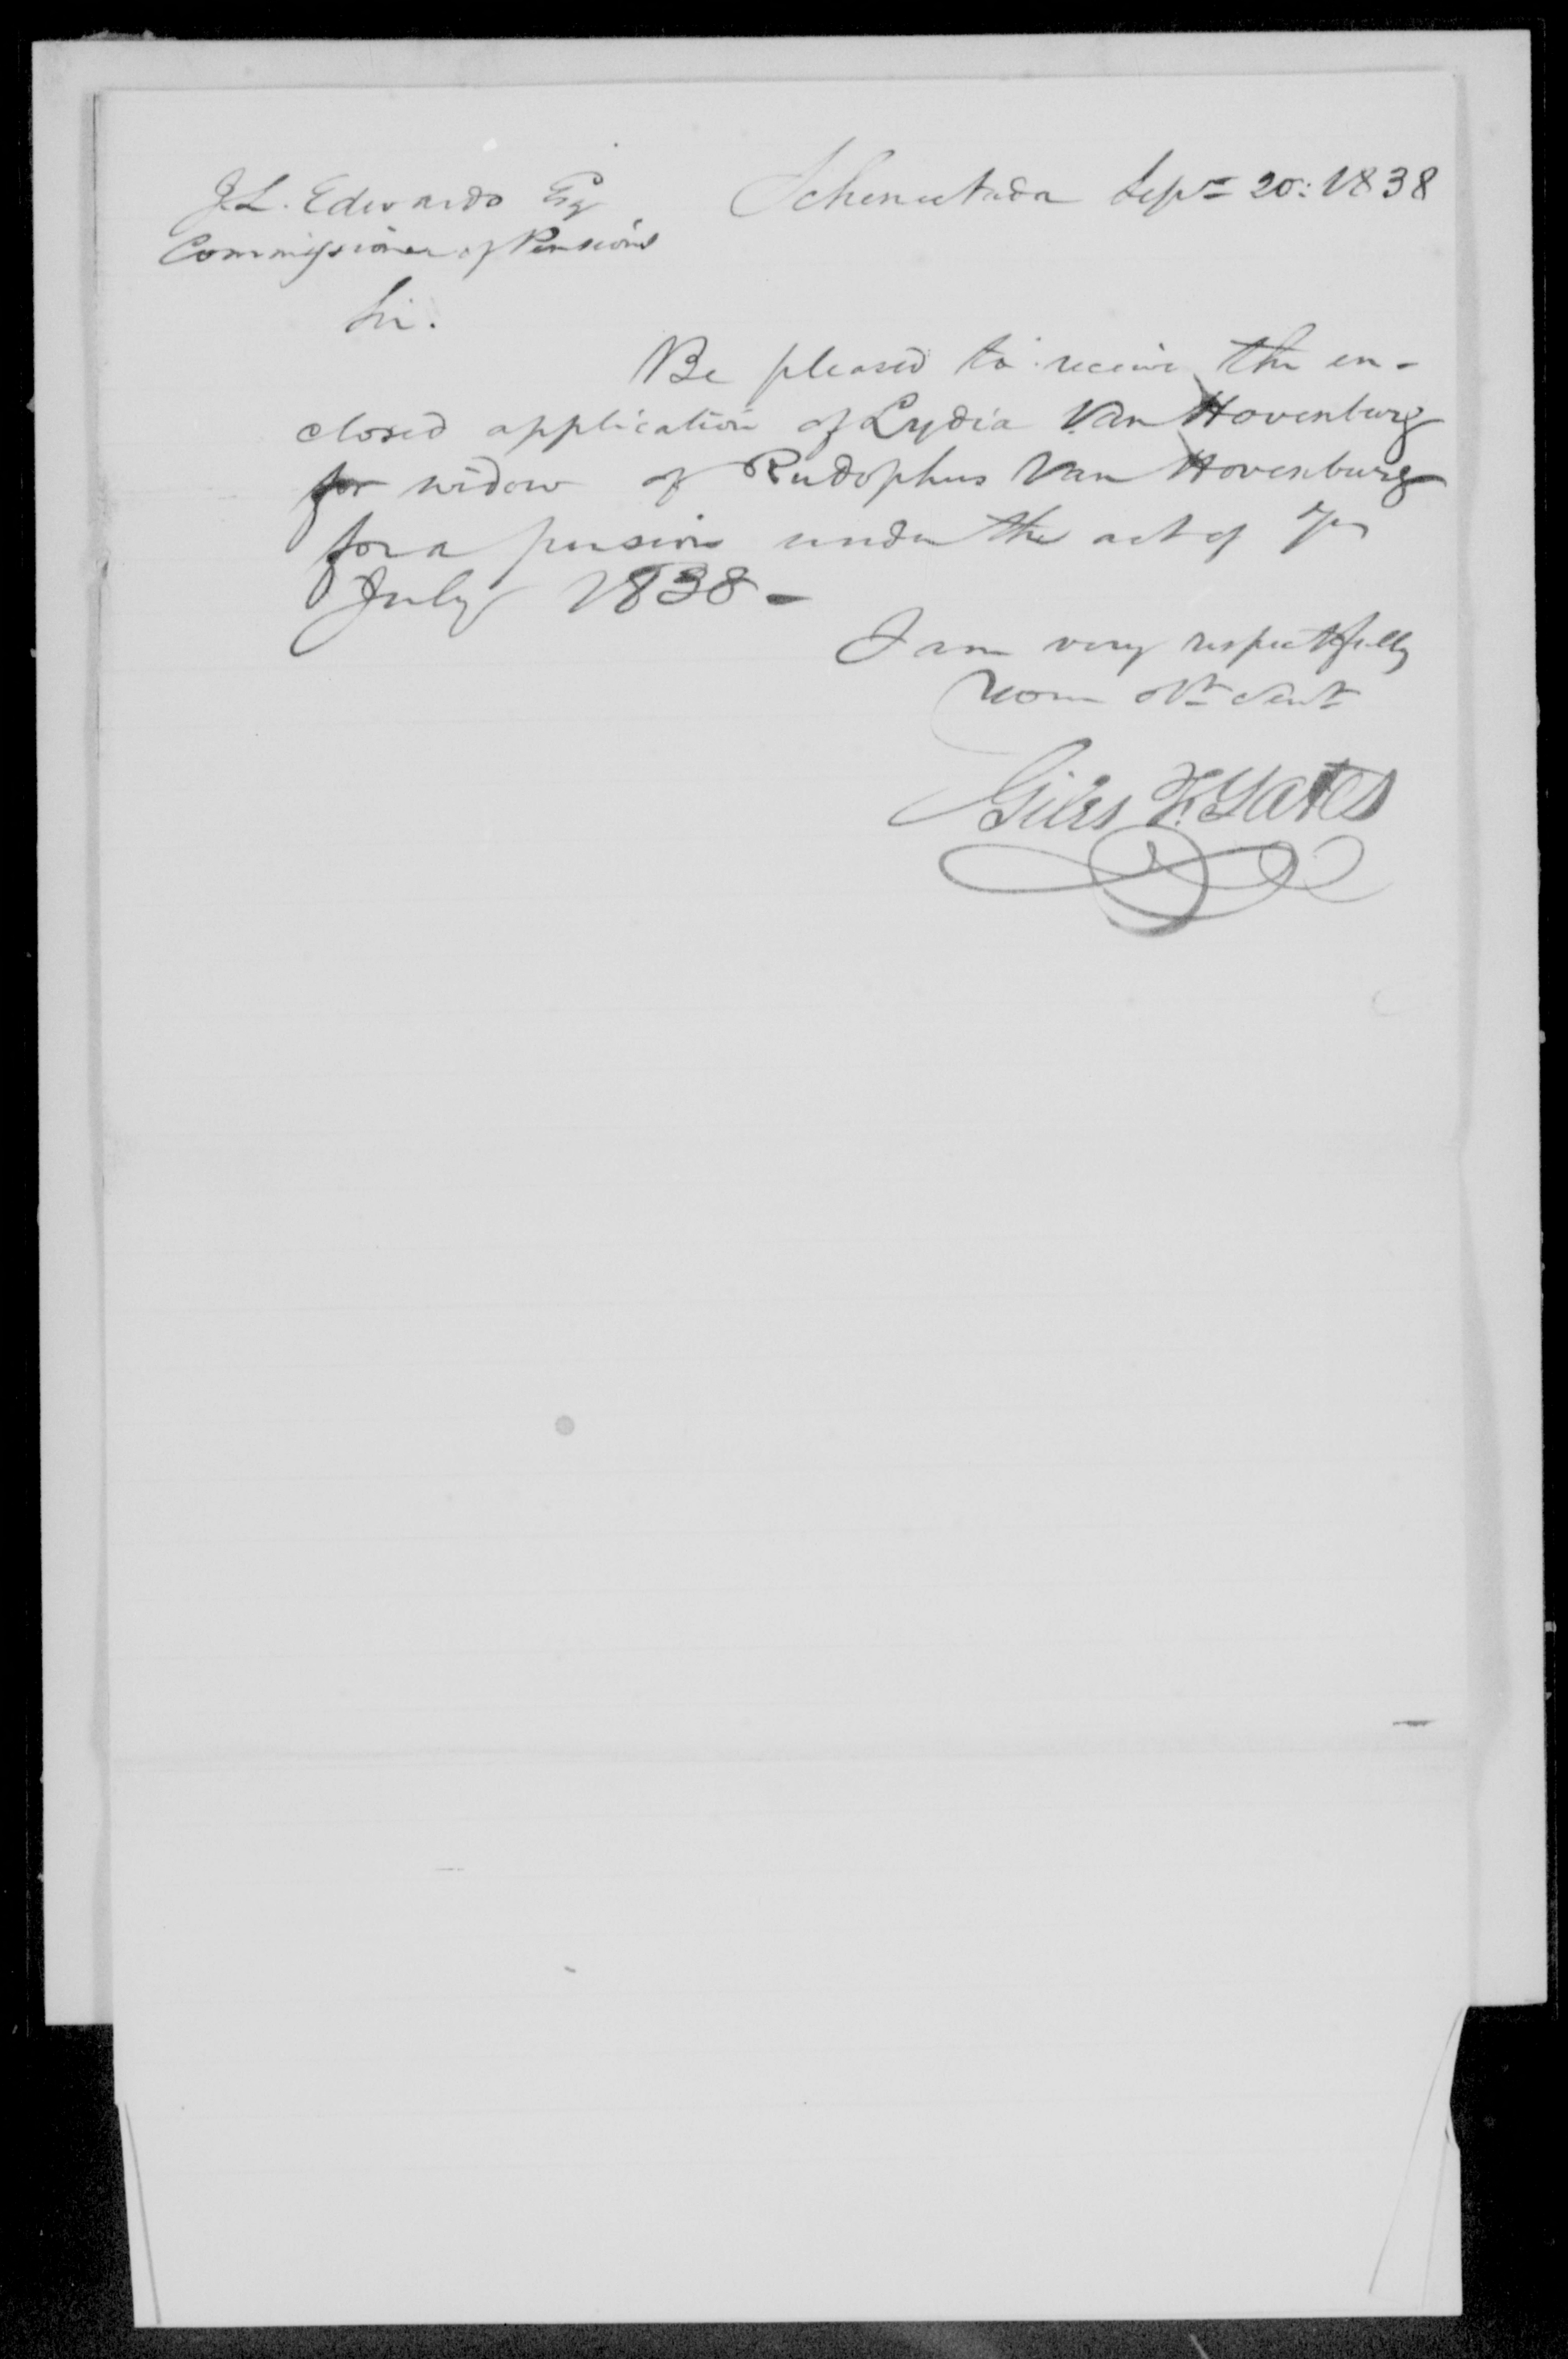Schenectada Sept 20. 1838
J. L. Edwards Esq
Commissioner of Pensions
Sir.
Be pleased to receive the enclosed application of Lydia Van Hovenburg for widow of Rudophus Van Hovenburg for a pension under the act of 7th July 1838-
I am very respectfully
Your obt servnt
Giles F. Yates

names: Lydia Van Hovenburg, Rudolphus Van Hovenburg, Giles F Yates, J L Edwards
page: 33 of 38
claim: widow's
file: W. 23324, Rudolphus Van Hoevenbergh, New York